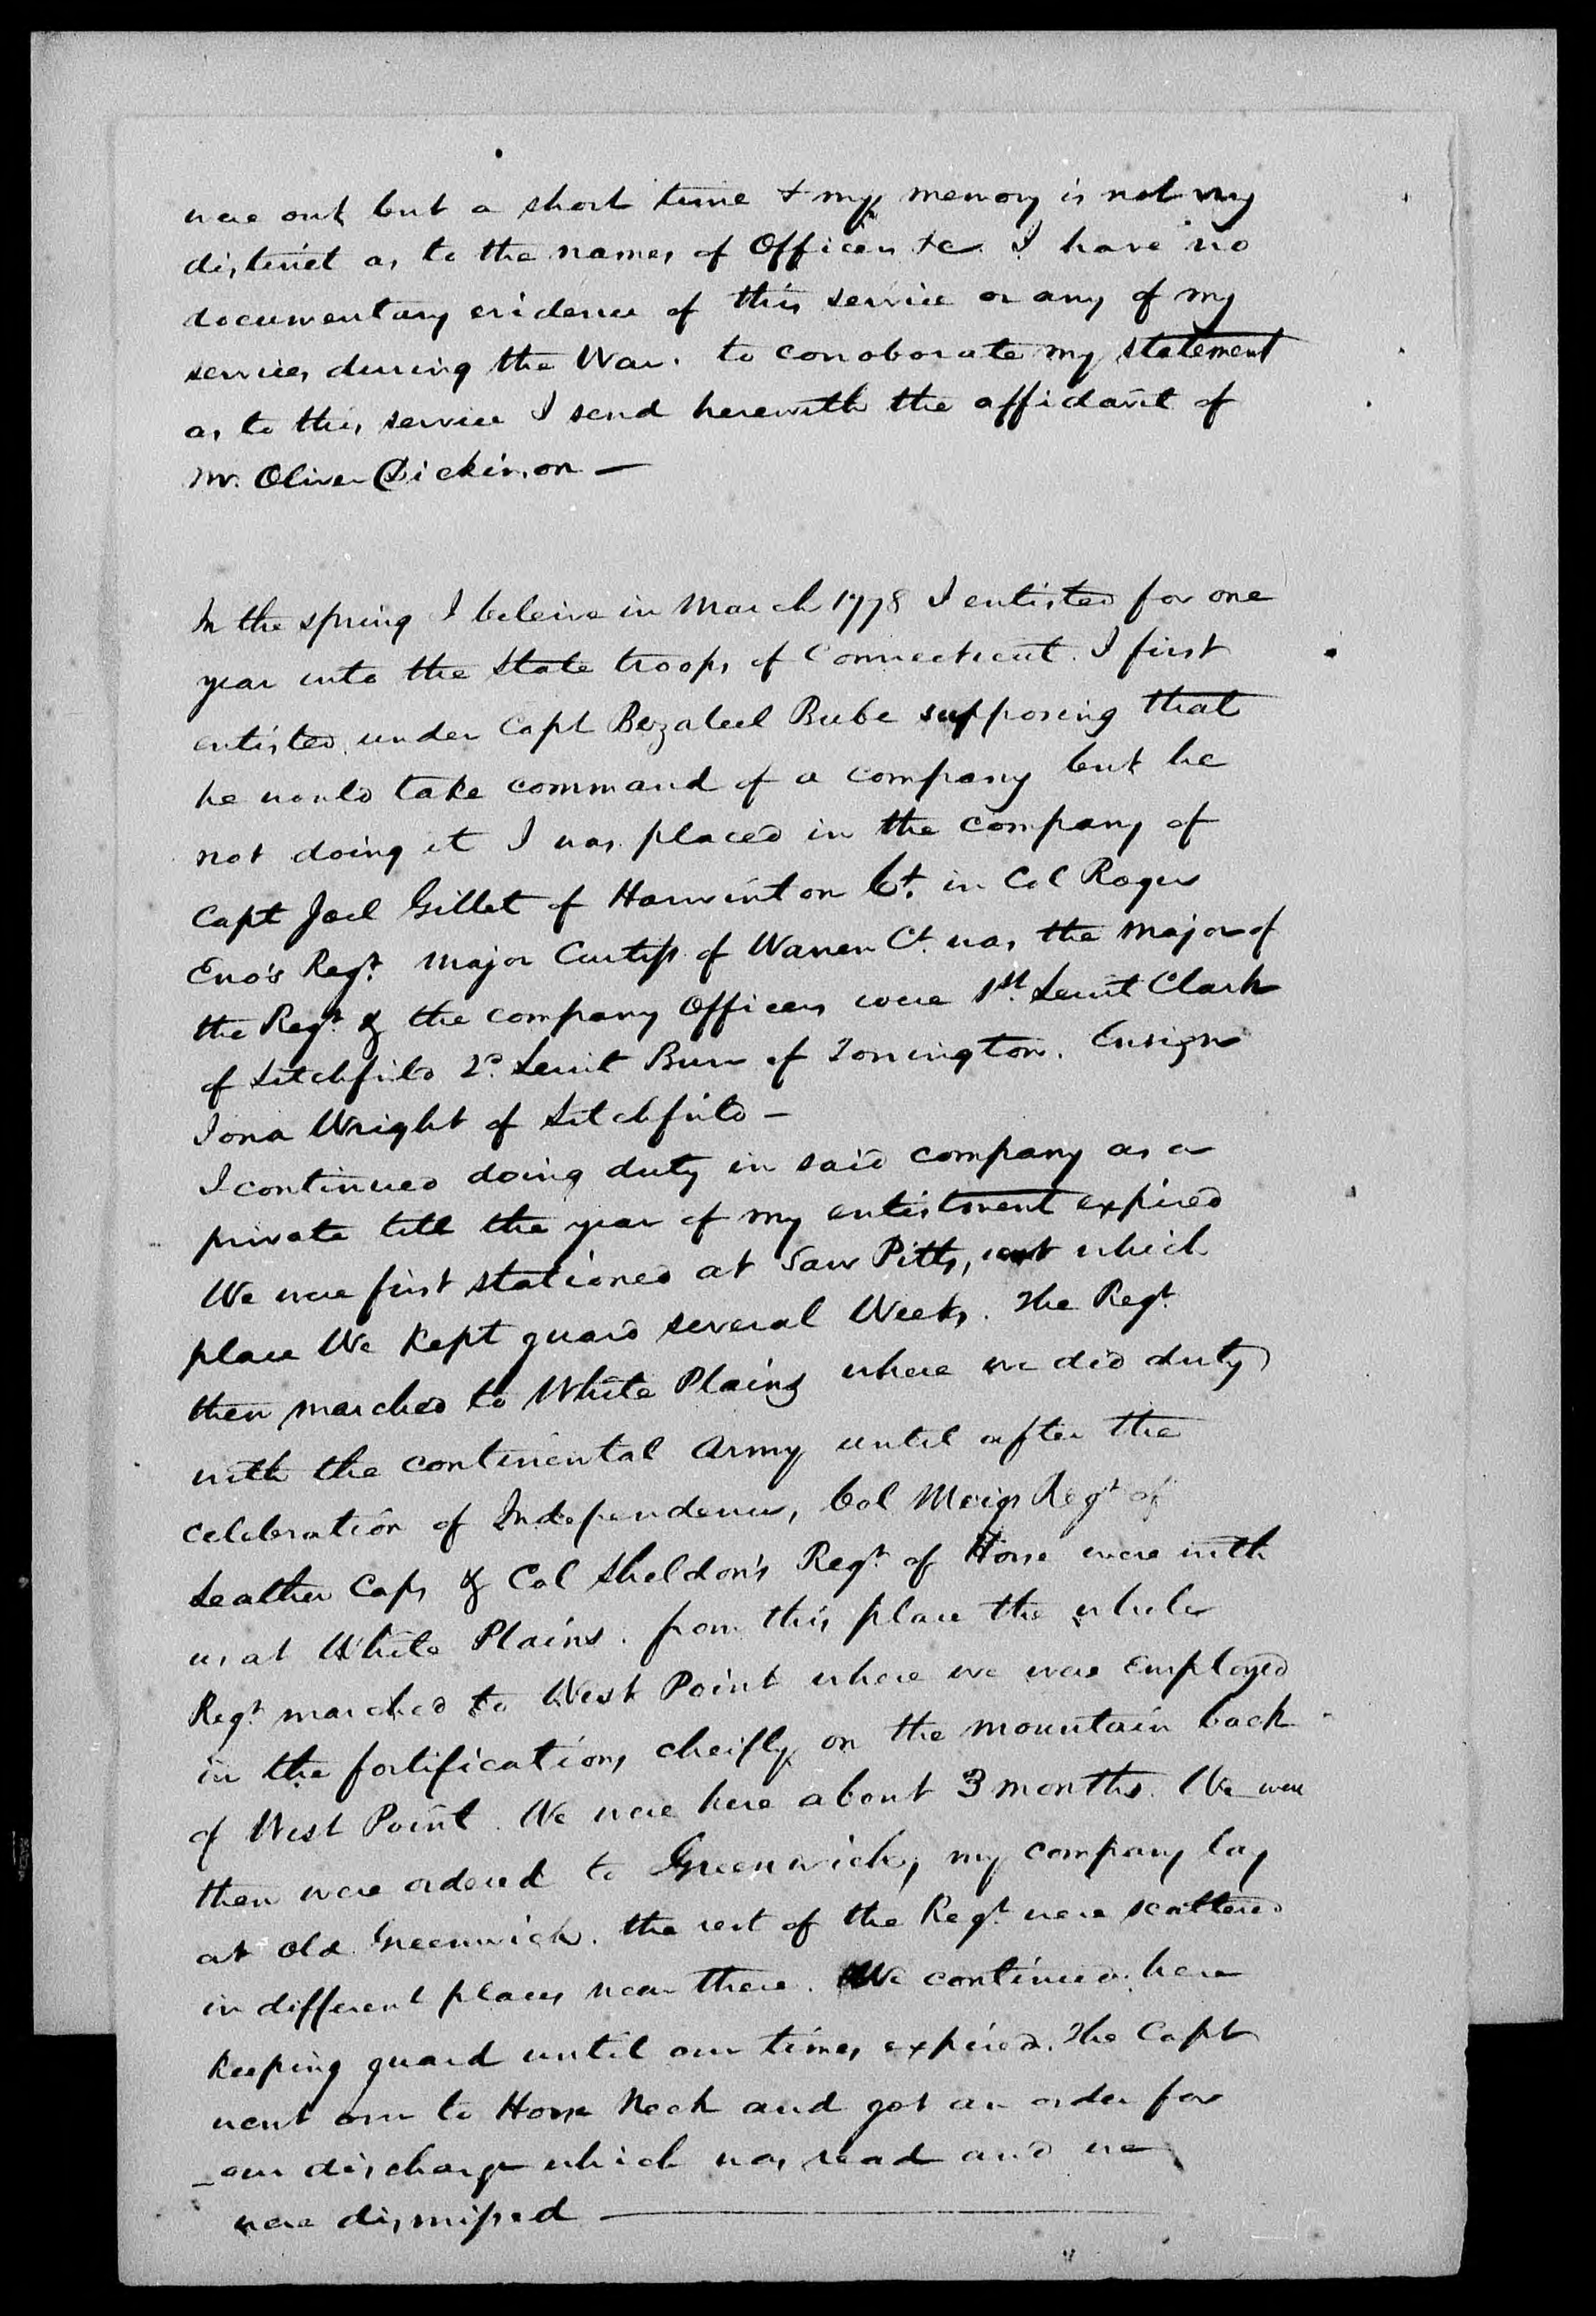were out but a short time & my memory is not very distinct as to the names of Officers. I have no documentary evidence of this service or any of my services during the War to corroborate my statement as to this service. I send herewith the affidavit of Mr. Oliver Dickinson.

In the spring, I believe in March 1778 I enlisted for one year into the State troop of Connecticut. I first enlisted under Capt Bezaleel Rube supposing that he was to take command of a company but he not doing it I was placed in the company of Capt. Jack Gillet of Harrinton Ct. in Col Rogers Eno's Regt. Major Curtiss of Warren Ct was the major of the Regt ofthe Regt of the company officers were 1st Lieut Clark of Litchfield, 2nd Lieut Burr of Tonington, Ensign Iona Wright of Litchfield.
I continued doing duty in said company as a private till the year of my enlistment expired. We were first stationed at San Pitts, (illegible) which place we kept buard several weeks. The Regt. then marched to White Plains where we did duty with the continental Army until after the celebration of Independence. Col Major Regt of Seather Caps of Col Sheldon's Regt of Horse (illegible) with us at White Plains from this place the whole Regt marched to West Point where we were employed in the fortifications chiefly on the mountain back of West Point. We were here about 3 months. We were then were ordered to Greenwich, my company lay at old Greenwich the rest of the Regt were scattered in different places near there. We continued here keeping guard until our time expired. The Capt went on to Horse Neck and got an order for our discharge which was read and we were dismissed.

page: 4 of 16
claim: survivor's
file: S. 17722, for Elisha Taylor, Connecticut